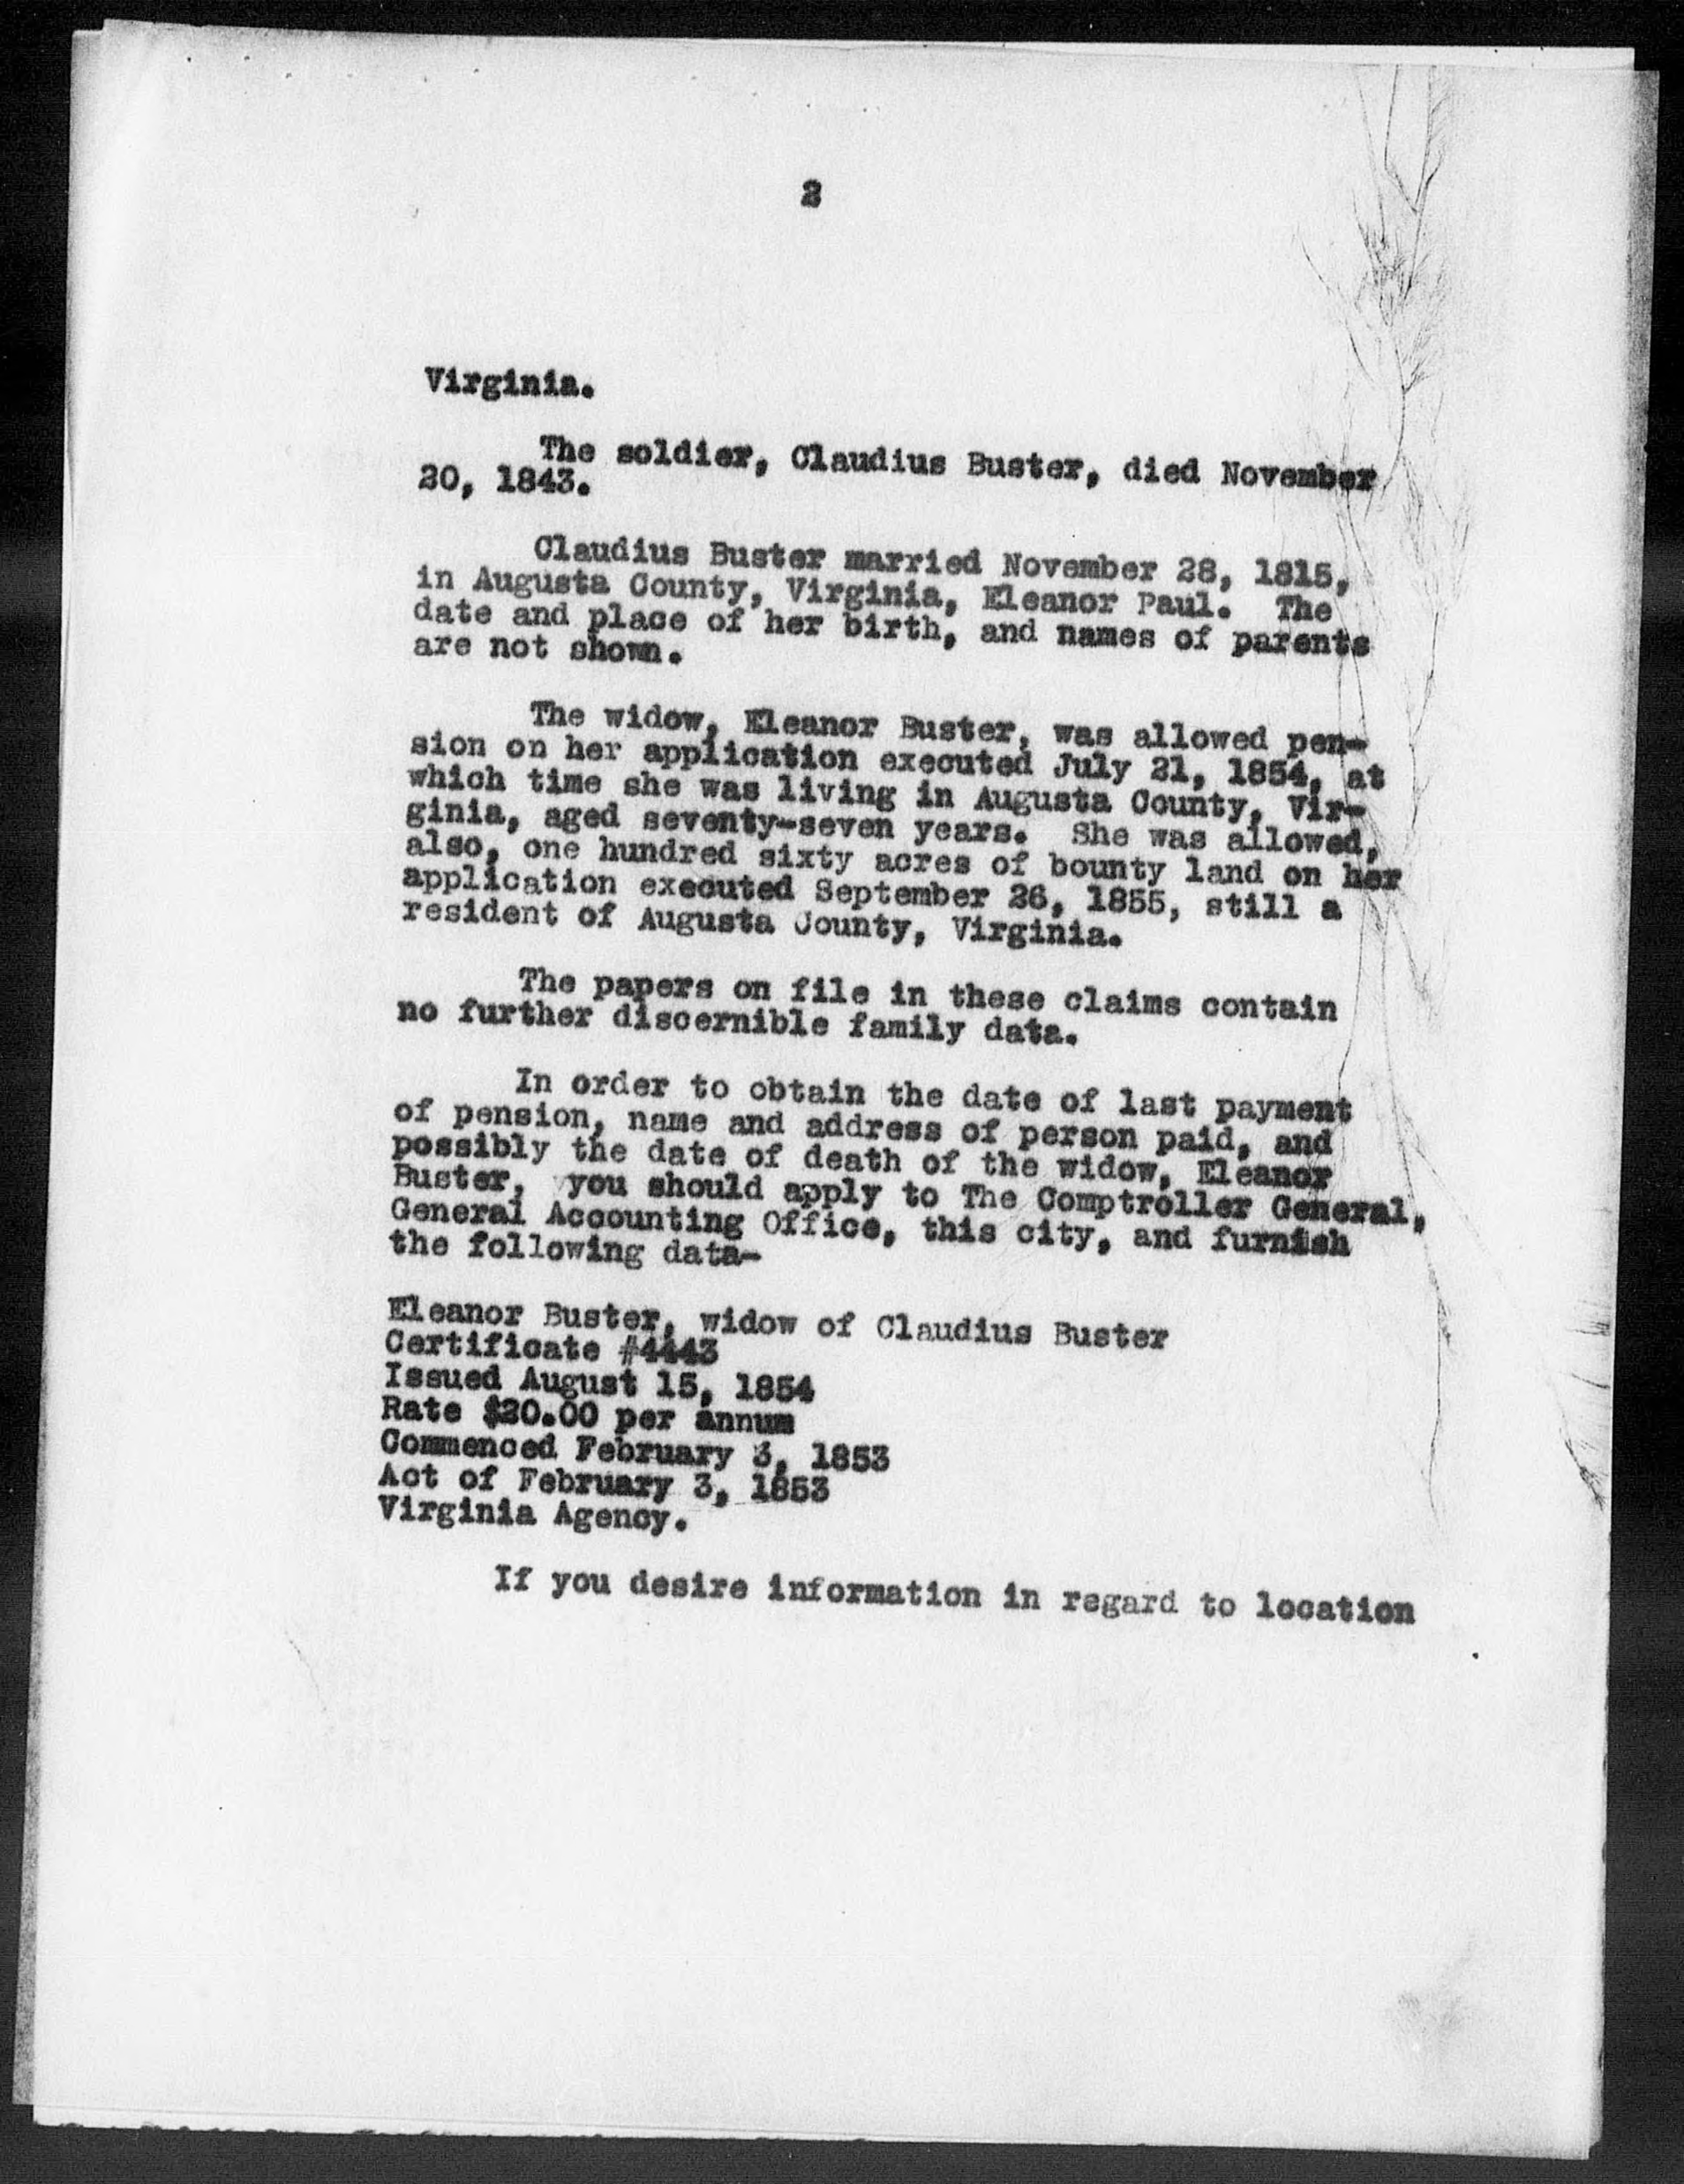2

Virginia.

The soldier, Claudius Buster, died November 20, 1843.

Claudius Buster married November 28, 1815, in Augusta County, Virginia, Eleanor Paul. The date and place of her birth, and names of parents are not shown.

The widow, Eleanor Buster, was allowed pension on her application executed July 21, 1854, at which time she was living in Augusta County, Virginia, aged seventy-six years. She was allowed, also, one hundred sixty acres of bounty land on her application executed September 26, 1855, still a resident of Augusta County, Virginia.

The papers on file in these claims contain no further discernible family data.

In order to obtain the date of last payment, name and address of person paid, and possibly the date of death of this widow, you should apply to The Comptroller General, General Accounting Office, this city, and furnish the following data-

Eleanor Buster, widow of Claudius Buster
Certificate #4443
Issued August 15, 1854
Rate $20.00 per annum
Commenced February 3, 1853
Act of February 3, 1853
Virginia Agency.

If you desire information in regard to location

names: Eleanor Buster, Claudius Buster, Claudius Buster, Eleanor Buster, Eleanor Buster, Claudius Buster, Eleanor Paul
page: 62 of 71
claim: widow's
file: W. 25310, Claudius Buster, Va.